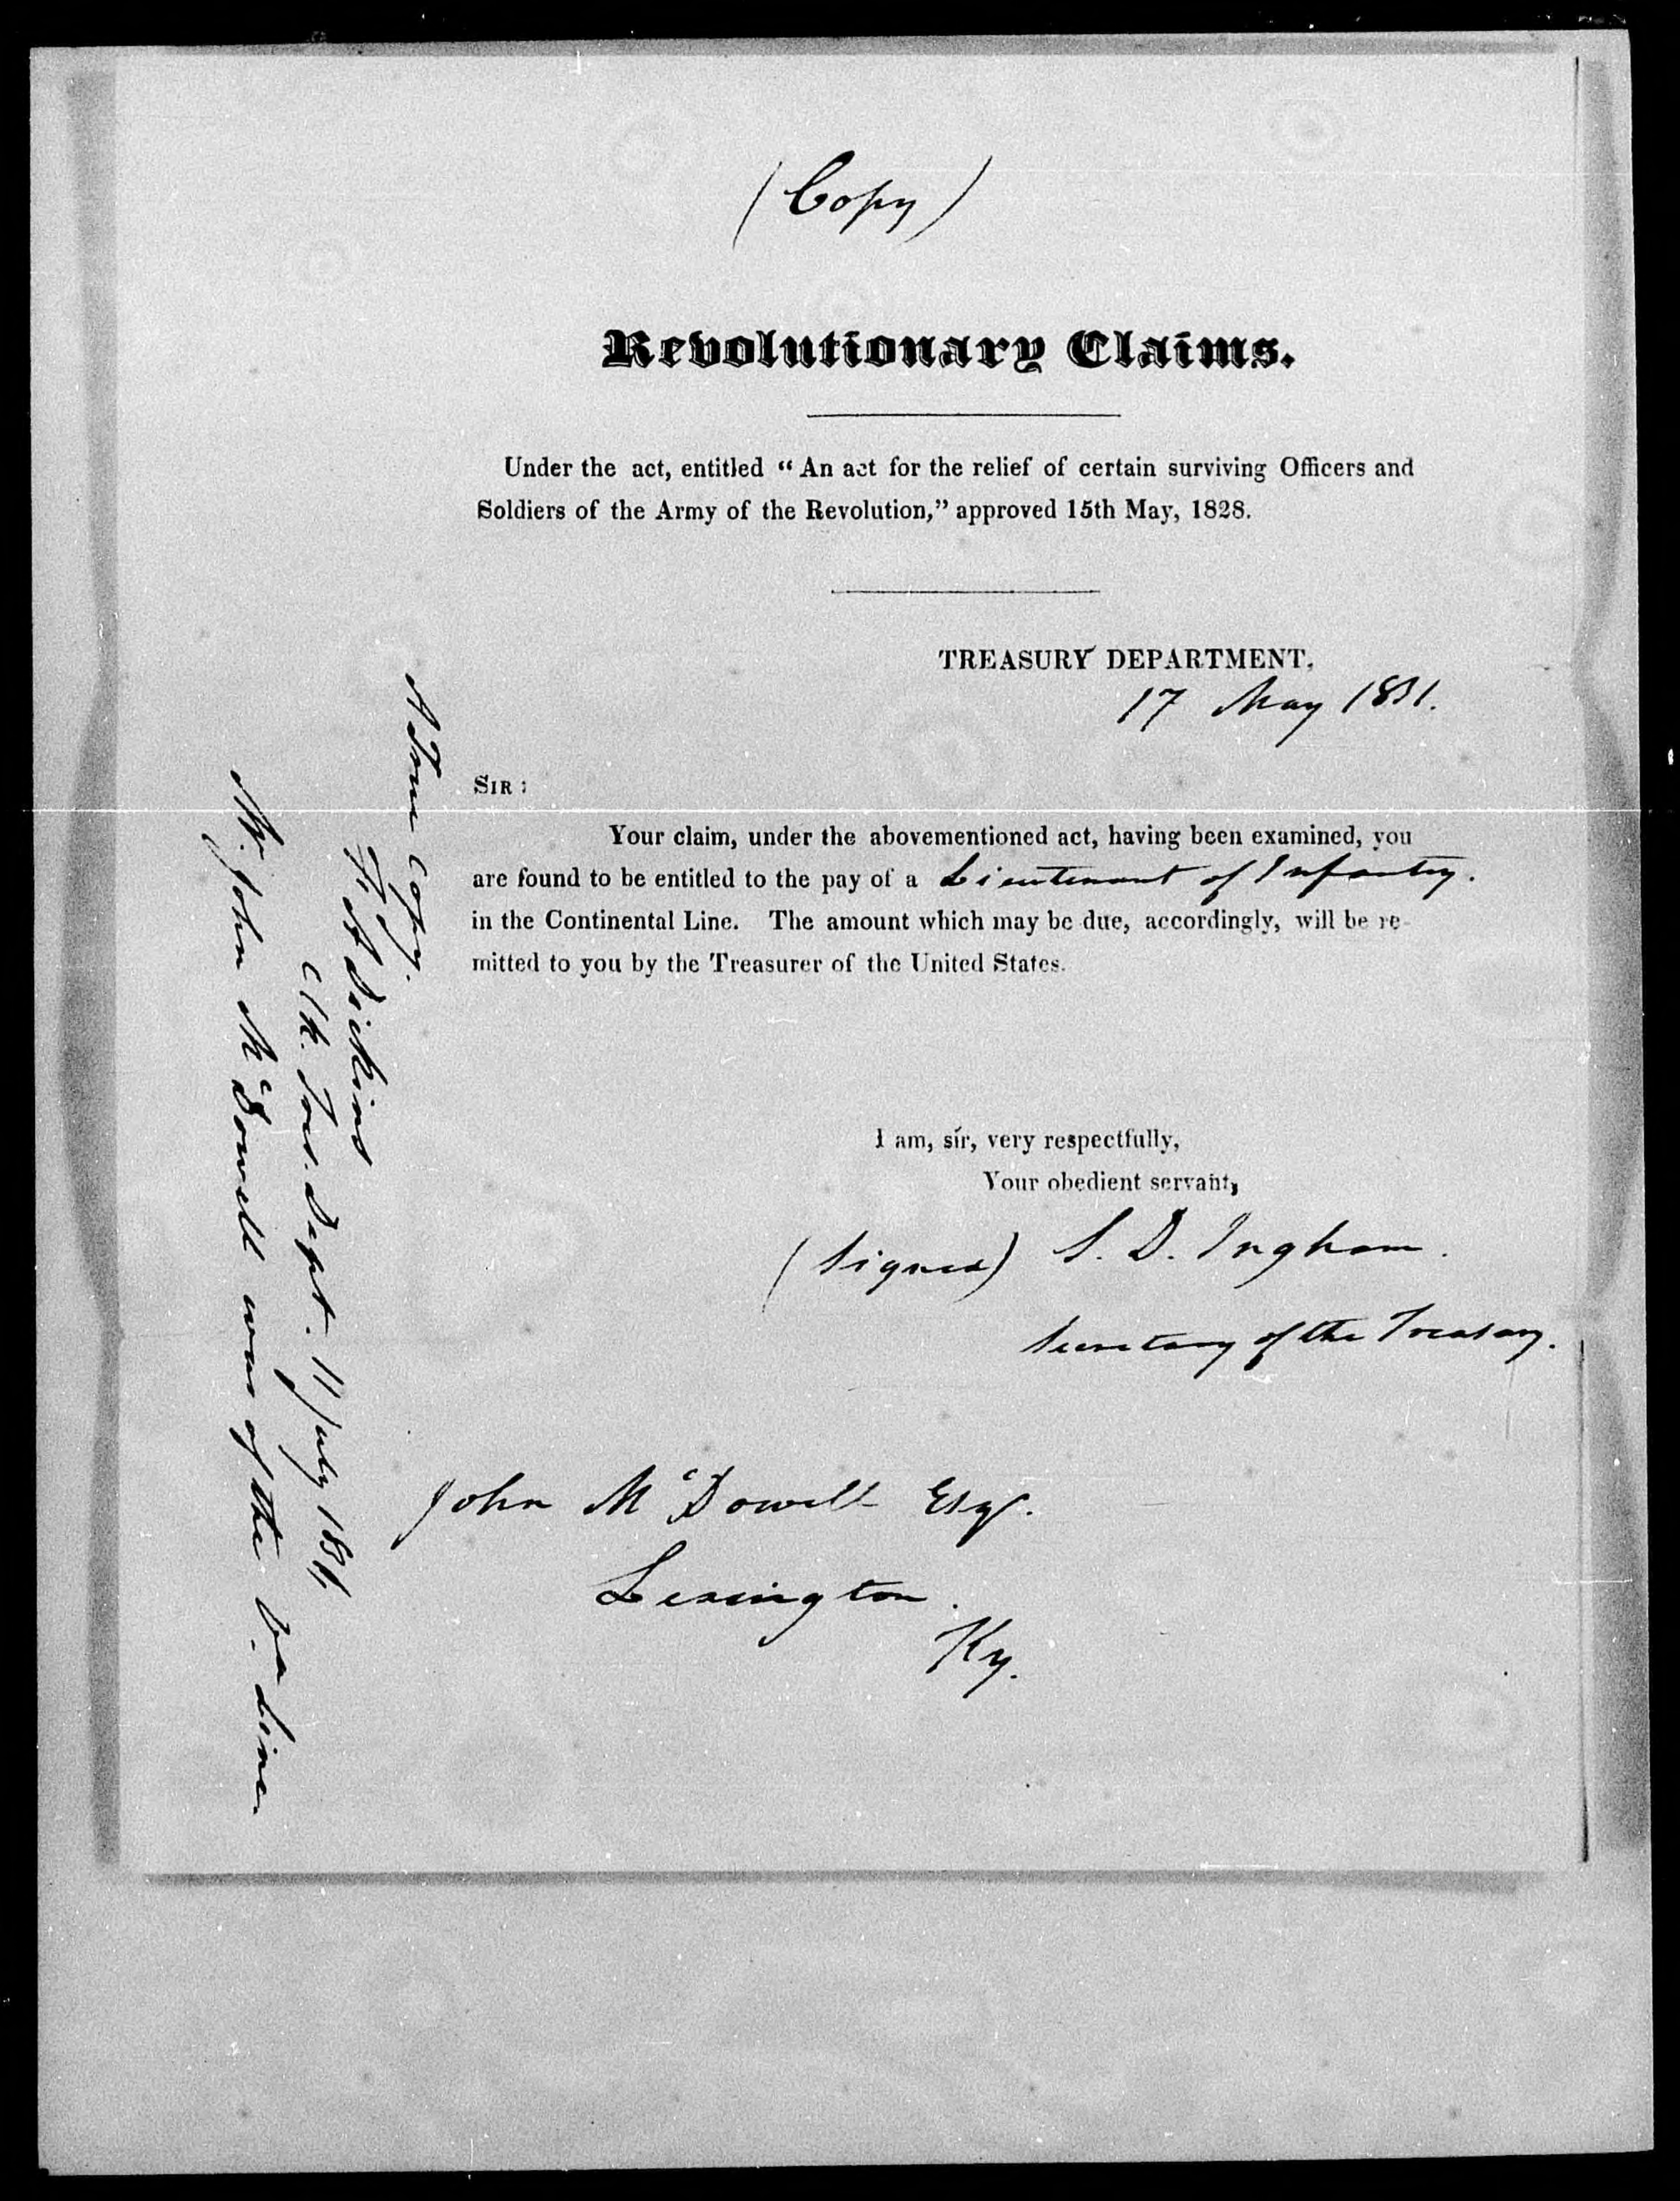(Copy)
Revolutionary Claims.
Under the act, entitled "An act for the relief of certain surviving Officers and Soldiers of the Army of the Revolution," approved 15 May, 1828.

TREASURY DEPARTMENT, 
17 May 1831.

SIR:
Your claim, under the abovementioned act, having been examined, you are found to be entitled to the pay of a Lieutenant of Infantry. in the Continental Line. The amount which may be due, accordingly, will be remitted to you by the Treasurer of the United States.

I am, sir, very respectfully,
Your obedient servant,
(Signed) S. D. Ingham.

John McDowell Esq.
Lexington.
Ky.

A True Copy.
F. A. Dickins
clk. Treas. Dept. 11 July 1831,
Mr. John McDowell was of the Va. Line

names: John Mc Dowell; F A Dickins; S D Ingham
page: 20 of 47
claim: survivor's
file: S. 30578, for John Mc Dowell, Virginia